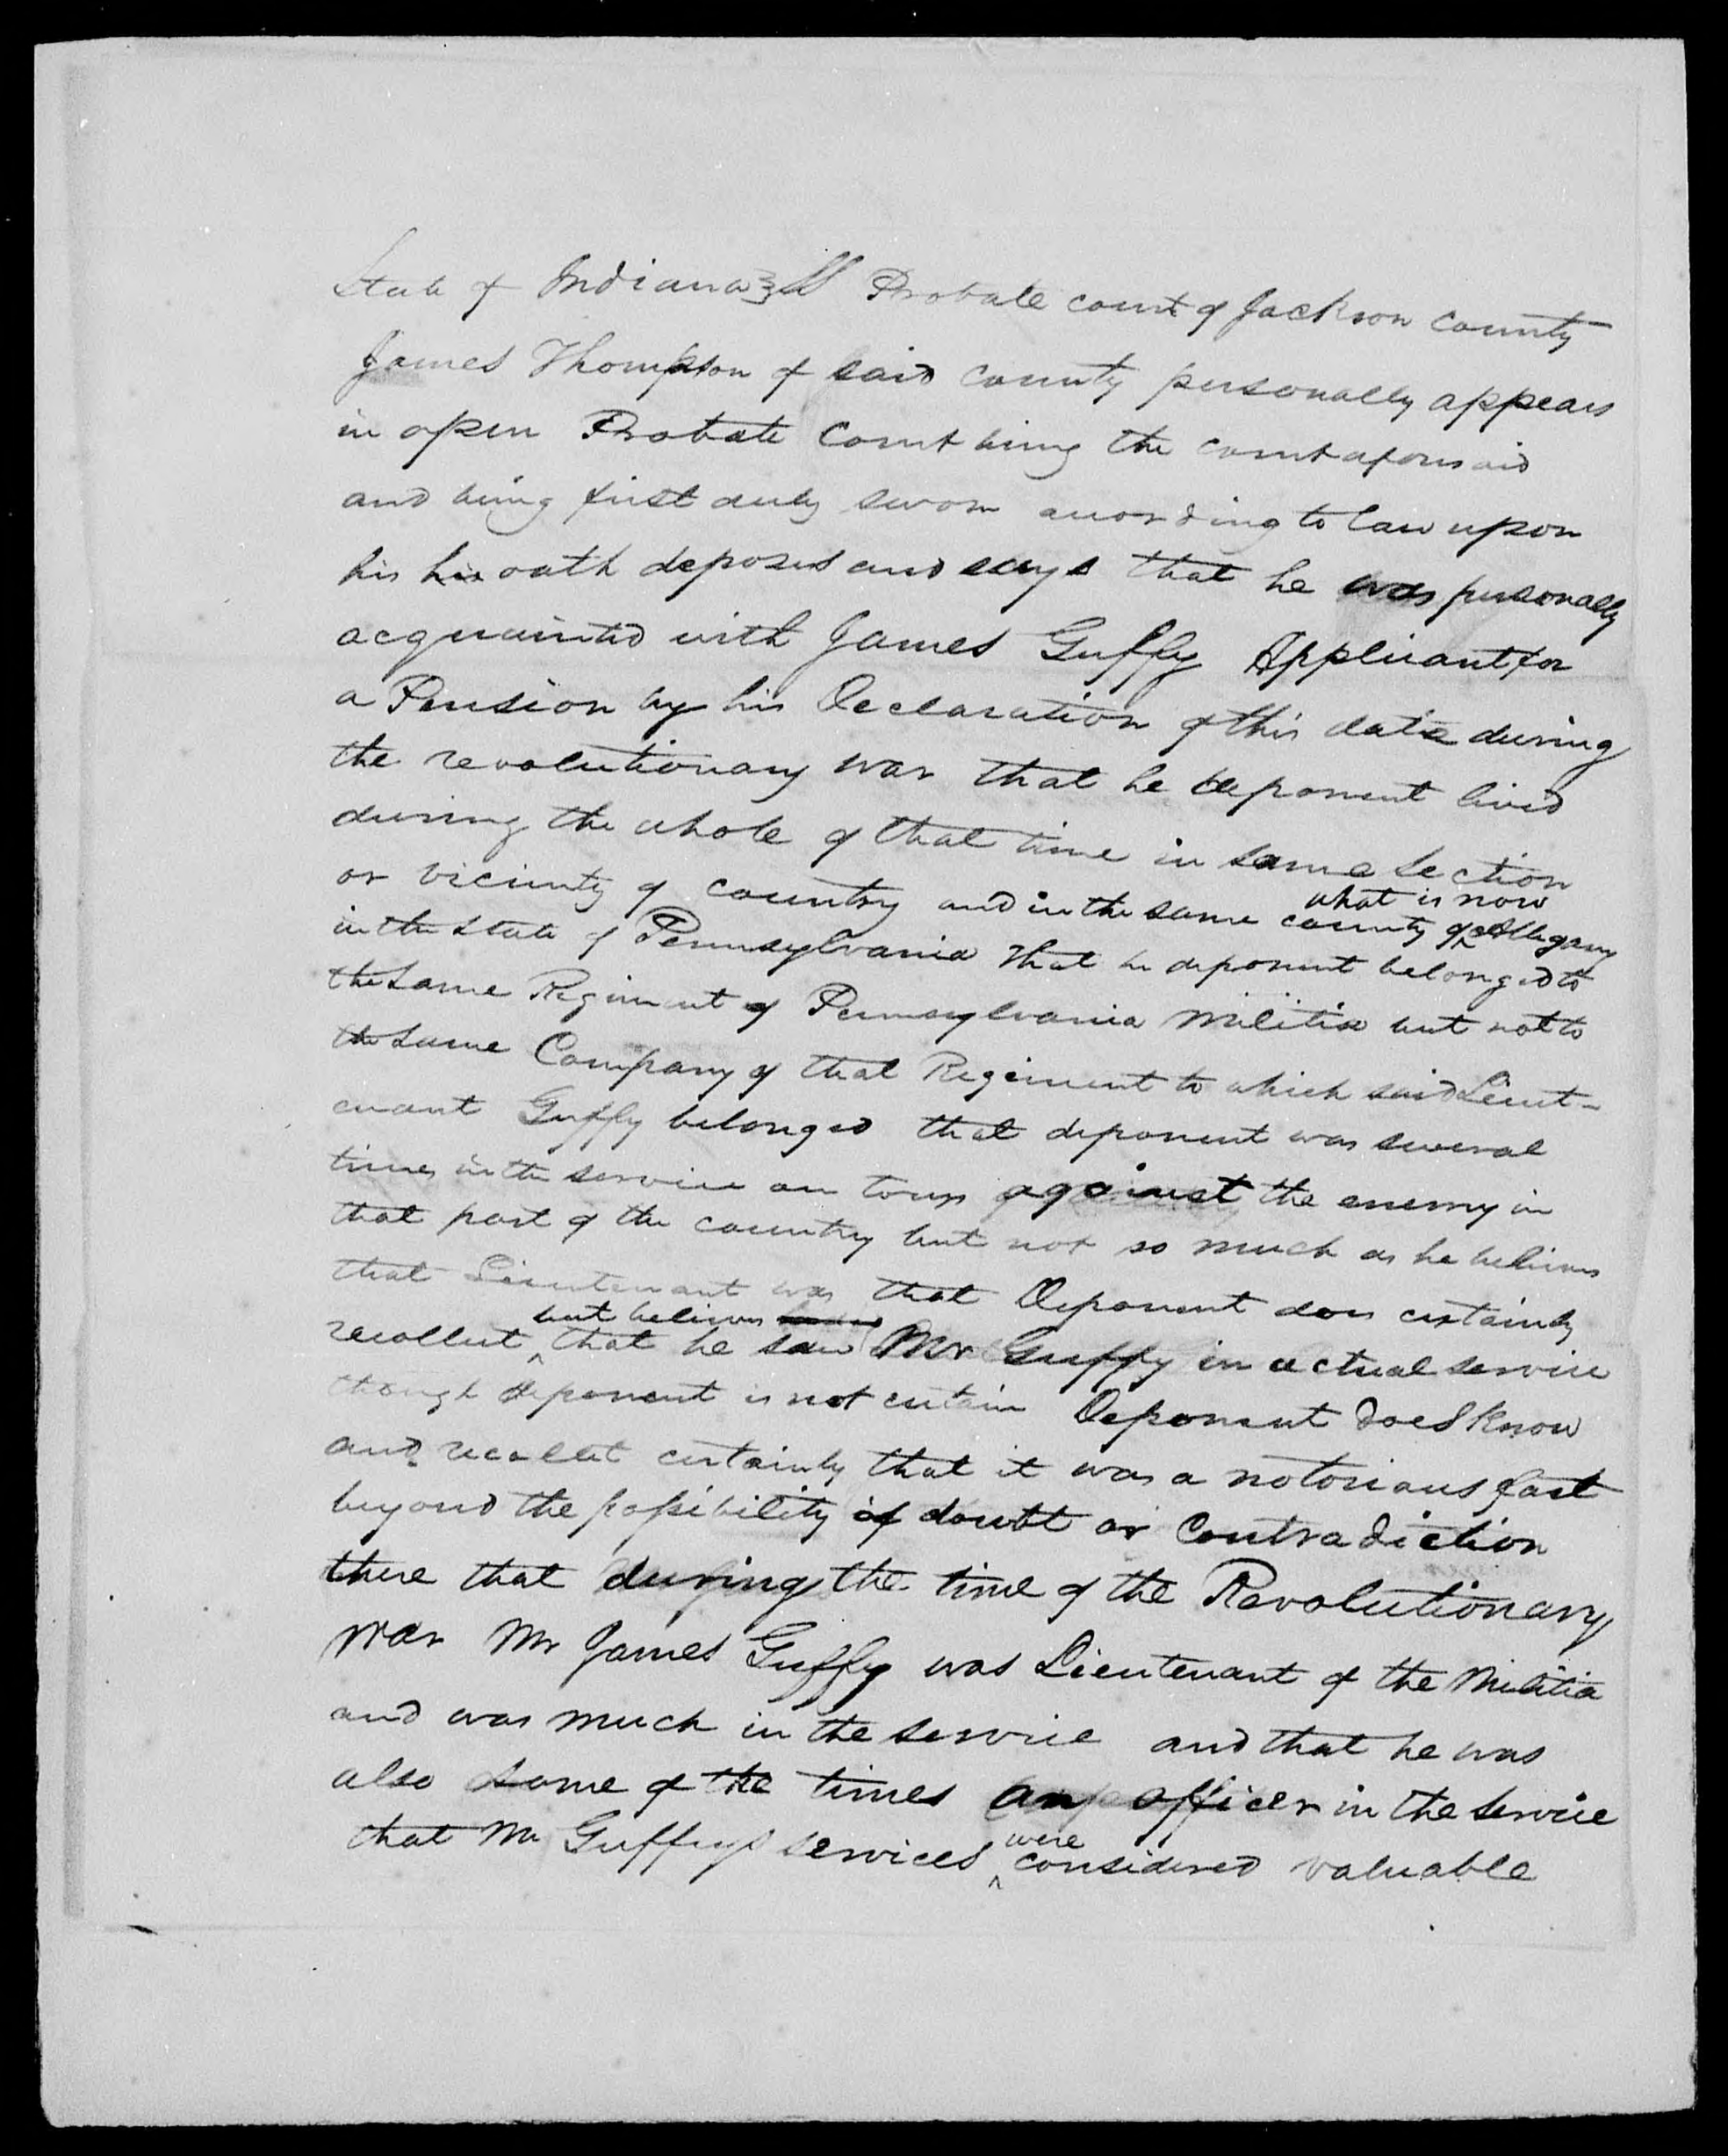State of Indiana} SS Probate court of Jackson County
James Thompson of said county personally appears in open Probate Court being the court aforesaid and being first duly sworn according to law upon his [his appearing twice written] oath deposed and says that he was personally acquainted with James Guffy, applicant for a pension by his declaration of this date during the revolutionary war that the deponent lived during the whole of that time in same section or vicinity of country and in the same county ^ what is now Allegany in the state of Pennsylvania that the deponent belonged to the same regiment of the Pennsylvania militia but not to the same company of that regiment to which said Lieutenant Guffy belonged that deponent was several times in the service and fought against the enemy in that part of the country but not so much as he believes that Lieutenant was that deponent does certainly recollect but believes that he saw Mr. Guffy in actual service though deponent is not certain
deponent does know and recollect certainly that it was a notorious fact beyond the possibility of doubt or contradiction there that during the time of the Revolutionary War, Mr. James Guffy was Lieutenant of the militia and was much in the service and that he was also some of the time an officer in the service that Mr. Guffey's services ^ were considered valuable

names: James Thompson, Guffey, Guffy, Guffy, James Guffy, James Guffy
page: 35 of 36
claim: survivor's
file: S. 31,718, James Guffey, Penn.